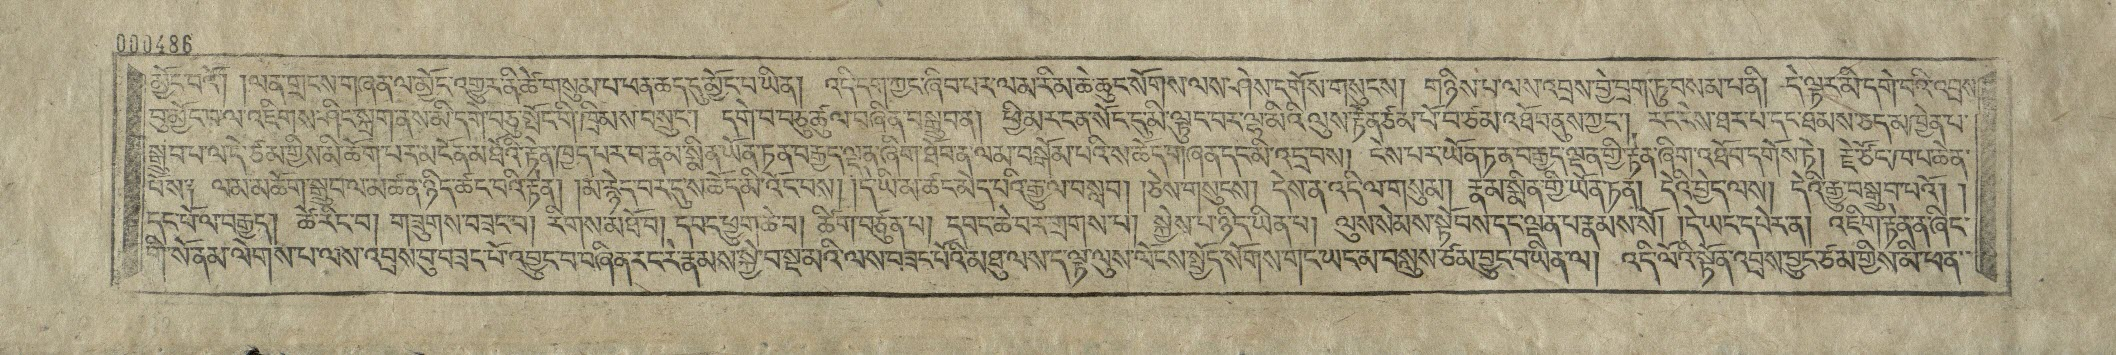མྱོང་བའོ། །ལན་གྲངས་གཞན་ལ་མྱོང་འགྱུར་ནི་ཚེ་གསུམ་པ་ཕན་ཆད་དུ་མྱོང་བ་ཡིན། འདི་དག་ཀྱང་ཞིབ་པར་ལམ་རིམ་ཆེ་ཆུང་སོགས་ལས་ཤེས་དགོས་གསུངས། གཉིས་པ་ལས་འབྲས་བྱེ་བྲག་ཏུ་བསམ་པ་ནི། དེ་ལྟར་མི་དགེ་བའི་འབྲས་
བུ་མྱོང་བ་ལ་འཇིགས་ཤིང་སྐྲག་ནས་མི་དགེ་བཅུ་སྤོང་གི་ཁྲིམས་བསྲུང་། དགེ་བ་བཅུ་ཚུལ་བཞིན་བསྒྲུབ་ན། ཕྱི་མར་ངན་སོང་དུ་མི་ལྟུང་བར་ལྷ་མིའི་ལུས་རྟེན་ཙམ་པོ་བ་ཙམ་འཐོབ་ནུས་ཀྱང་། རང་རེས་ཐར་པ་དང་ཐམས་ཅད་མཁྱེན་པ་
སྒྲུབ་པ་ལ་དེ་ཙམ་གྱིས་མི་ཆོག་པར་མངོན་མཐོའི་རྟེན་ཁྱད་པར་བ་རྣམ་སྨིན་ཡོན་ཏན་བརྒྱད་ལྡན་ཞིག་ཐོབ་ན་ལམ་བསྒོམ་པའི་ས་ཆོད་གཞན་དང་མི་འདྲ་བས། ངེས་པར་ཡོན་ཏན་བརྒྱད་ལྡན་གྱི་རྟེན་ཞིག་འཐོབ་དགོས་ཏེ། རྗེ་ཙོང་ཁ་པ་ཆེན་
པོས༑ ལམ་མཆོག་སྒྲུབ་ལ་མཚན་ཉིད་ཚང་བའི་རྟེན། །མ་རྙེད་བར་དུ་ས་ཆོད་མི་འོང་བས། །དེ་ཡི་མ་ཚང་མེད་པའི་རྒྱུ་ལ་བསླབ། །ཅེས་གསུངས། དེས་ན་འདི་ལ་གསུམ། རྣམ་སྨིན་གྱི་ཡོན་ཏན། དེའི་བྱེད་ལས། དེའི་རྒྱུ་བསྒྲུབ་པའོ།།
དང་པོ་ལ་བརྒྱད། ཚེ་རིང་བ། གཟུགས་བཟང་བ། རིགས་མཐོ་བ། དབང་ཕྱུག་ཆེ་བ། ཚིག་བཙུན་པ། དབང་ཆེ་བར་གྲགས་པ། སྐྱེས་པ་ཉིད་ཡིན་པ། ལུས་སེམས་སྟོབས་དང་ལྡན་པ་རྣམས་སོ། །དེ་ཡང་དཔེར་ན། འཇིག་རྟེན་ན་ཞིང་
གི་སོ་ནམ་ལེགས་པ་ལས་འབྲས་བུ་བཟང་པོ་འབྱུང་བ་བཞིན་རང་རེ་རྣམས་སྐྱེ་བ་སྔ་མའི་ལས་བཟང་པོའི་མཐུ་ལས་ད་ལྟ་ལུས་ལོངས་སྤྱོད་སོགས་གང་ཡང་མ་བསླུས་ཙམ་བྱུང་བ་ཡིན་ལ། འདི་ལོའི་སྟོན་འབྲས་བྱུང་ཙམ་གྱིས་མི་ཕན་